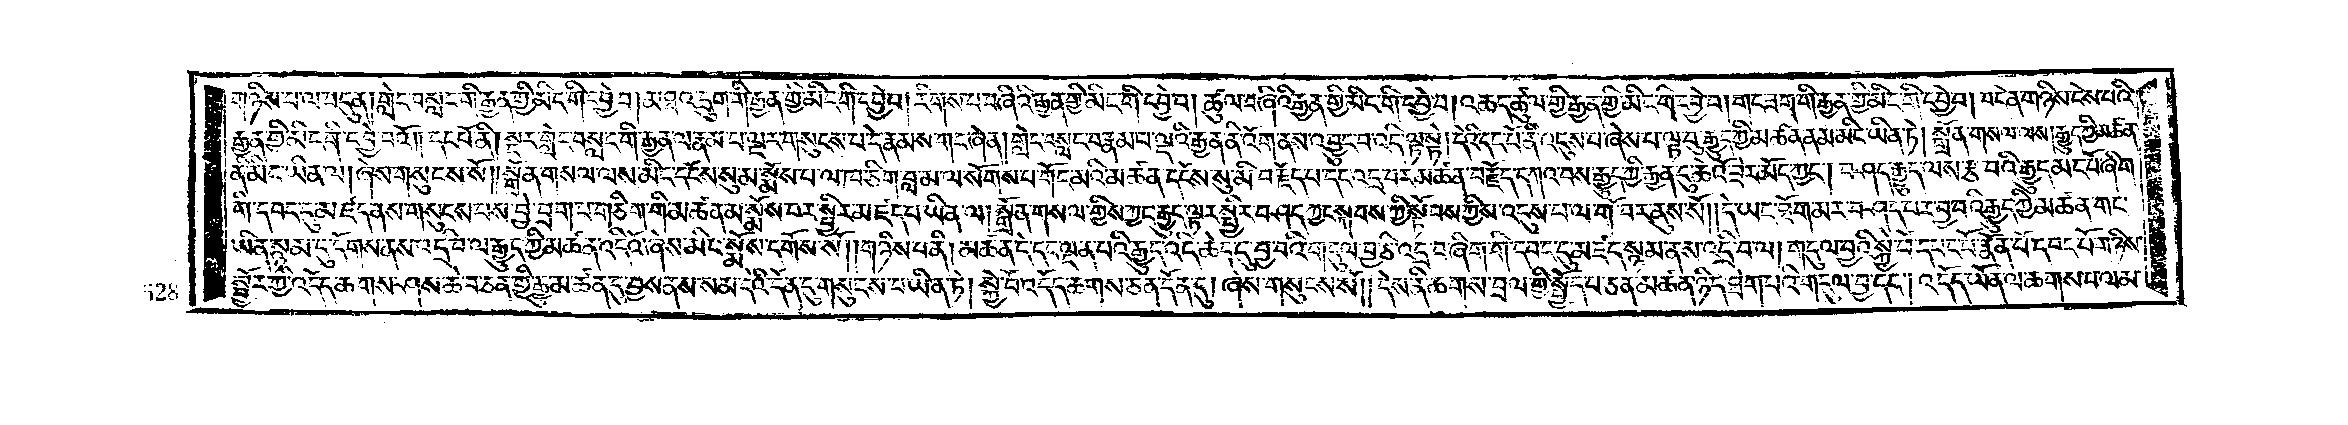གཉིས་པ་ལ་བདུན། གླེང་བསླང་གི་རྒྱན་གྱི་མིང་གི་དབྱེ་བ། མཐའ་དྲུག་གི་རྒྱན་གྱི་མིང་གི་དབྱེ་བ། རིགས་པ་བཞིའི་རྒྱན་གྱི་མིང་གི་དབྱེ་བ། ཚུལ་བཞིའི་རྒྱན་གྱི་མིང་གི་དབྱེ་བ། འཆད་ཚུལ་གྱི་རྒྱན་གྱི་མིང་གི་དབྱེ་བ། གང་ཟག་གི་རྒྱན་གྱི་མིང་གི་དབྱེ་བ། བདེན་གཉིས་ངེས་པའི་
རྒྱན་གྱི་མིང་གི་དབྱེ་བའོ། །དང་པོ་ནི། སྔར་གླེང་བསླང་གི་རྒྱན་ལ་རྣམ་པ་ལྔར་གསུངས་པ་དེ་རྣམས་གང་ཞེ་ན། གླེང་བསླང་བ་རྣམ་པ་ལྔའི་རྒྱན་ནི་འོག་ནས་འབྱུང་བ་འདི་ལྟ་སྟེ། དེའི་དང་པོ་ནི་འདུས་པ་ཞེས་པ་ལྟ་བུ་རྒྱུད་ཀྱི་མཚན་ནམ་མིང་ཡིན་ཏེ། སྒྲོན་གསལ་ལས། རྒྱུད་ཀྱི་མཚན་
ནི་མིང་ཡིན་ལ། ཞེས་གསུངས་སོ། །སྒྲོན་གསལ་ལས་མིང་དངོས་སུ་མ་སྨོས་པ་ལ་ཁ་ཅིག་བླ་མ་ལ་སོགས་པ་གོང་མའི་མཚན་དངོས་སུ་མི་བརྗོད་པ་དང་འདྲ་བར་མཚན་བརྗོད་དཀའ་བས་རྒྱུད་ཀྱི་རྒྱན་དུ་ཆེའོ་ཟེར་མོད་ཀྱང་། བཤད་རྒྱུད་ལས་རྩ་བའི་རྒྱུད་མང་པོ་ཞིག་
གི་དབང་དུ་མཛད་ནས་གསུངས་པས་བྱེ་བྲག་པ་གཅིག་གི་མཚན་མ་སྨོས་པར་སྤྱིར་མཛད་པ་ཡིན་ལ། སྒྲོན་གསལ་གྱིས་ཀྱང་རྒྱུད་ལྟར་སྤྱིར་བཤད་ཀྱང་སྐབས་ཀྱི་སྟོབས་ཀྱིས་འདུས་པ་ལ་གོ་བར་ནུས་སོ། །དེ་ཡང་ཐོག་མར་བཤད་པར་བྱ་བའི་རྒྱུད་ཀྱི་མཚན་གང་
ཡིན་སྙམ་དུ་དོགས་ནས་འདྲི་བ་ལ་རྒྱུད་ཀྱི་མཚན་འདིའོ་ཞེས་མིང་སྨོས་དགོས་སོ། །གཉིས་པ་ནི། མཚན་དེ་དང་ལྡན་པའི་རྒྱུད་འདི་ཆེད་དུ་བྱ་བའི་གདུལ་བྱ་ཅི་འདྲ་བ་ཞིག་གི་དབང་དུ་མཛད་སྙམ་ནས་འདྲི་བ་ལ། གདུལ་བྱའི་སྐྱེ་བོ་དབང་པོ་རྣོན་པོ་དབང་པོ་གཉིས་
སྦྱོར་ཀྱི་འདོད་ཆགས་ཤས་ཆེ་བ་ཅན་གྱི་རྒྱུ་མཚན་དུ་བྱས་ནས་སམ་དེའི་དོན་དུ་གསུངས་པ་ཡིན་ཏེ། སྐྱེ་བོ་འདོད་ཆགས་ཅན་དོན་དུ། ཞེས་གསུངས་སོ། །དེས་ནི་ཆགས་བྲལ་གྱི་སྤྱོད་པ་ཅན་མཚན་ཉིད་ཐེག་པའི་གདུལ་བྱ་དང་། འདོད་ཡོན་ལ་ཆགས་པ་ལམ་